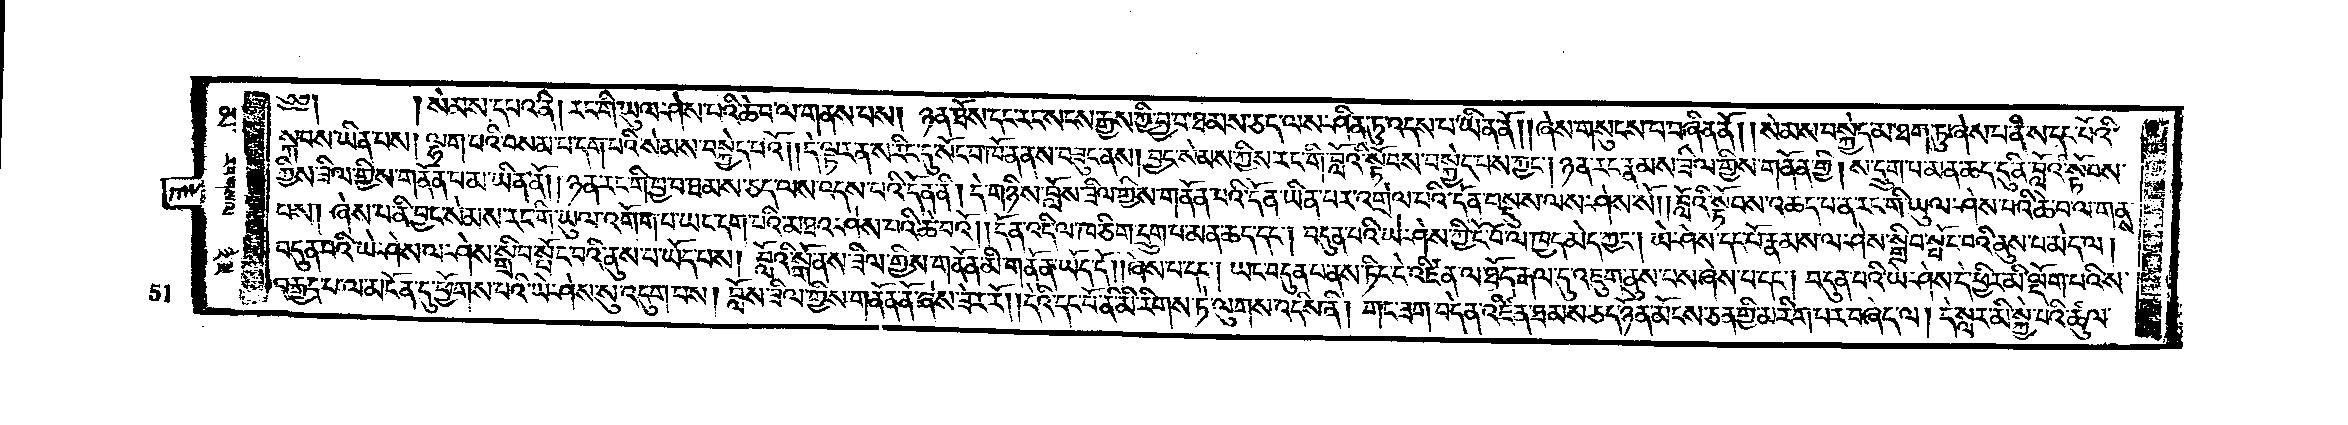༄༅། །སེམས་དཔའ་ནི། རང་གི་ཡུལ་ཤེས་པའི་ཆེ་བ་ལ་གནས་པས། ཉན་ཐོས་དང་རང་སངས་རྒྱས་ཀྱི་བྱ་བ་ཐམས་ཅད་ལས་ཤིན་ཏུ་འདས་པ་ཡིན་ནོ། །ཞེས་གསུངས་པ་བཞིན་ནོ། །སེམས་བསྐྱེད་མ་ཐག་ཏུ་ཞེས་པ་ནི་ས་དང་པོའི་
སྐབས་ཡིན་པས། ལྷག་པའི་བསམ་པ་དག་པའི་སེམས་བསྐྱེད་པའོ། །དེ་ལྟར་ན་ས་རིང་དུ་སོང་བ་ཁོ་ན་ནས་བཟུང་ནས། བྱང་སེམས་ཀྱིས་རང་གི་བློའི་སྟོབས་བསྐྱེད་པས་ཀྱང་། ཉན་རང་རྣམས་ཟིལ་གྱིས་གནོན་གྱི། ས་དྲུག་པ་མན་ཆད་དུ་ནི་བློའི་སྟོབས་
ཀྱིས་ཟིལ་གྱིས་གནོན་པ་མ་ཡིན་ནོ། །ཉན་རང་གི་བྱ་བ་ཐམས་ཅད་ལས་འདས་པའི་དོན་ནི། དེ་གཉིས་བློས་ཟིལ་གྱིས་གནོན་པའི་དོན་ཡིན་པར་འགྲེལ་པའི་དོན་བསྡུས་ལས་ཤེས་སོ། །བློའི་སྟོབས་འཆད་པ་ན་རང་གི་ཡུལ་ཤེས་པའི་ཆེ་བ་ལ་གནས་
པས། ཞེས་པ་ནི་བྱང་སེམས་རང་གི་ཡུལ་འགོག་པ་ཡང་དག་པའི་མཐའ་ཤེས་པའི་ཆེ་བའོ། །དོན་འདི་ལ་ཁ་ཅིག་དྲུག་པ་མན་ཆད་དང་། བདུན་པའི་ཡེ་ཤེས་ཀྱི་ངོ་བོ་ལ་ཁྱད་མེད་ཀྱང་། ཡེ་ཤེས་དང་པོ་རྣམས་ལ་ཤེས་སྒྲིབ་སྤོང་བའི་ནུས་པ་མེད་ལ།
བདུན་པའི་ཡེ་ཤེས་ལ་ཤེས་སྒྲིབ་སྤོང་བའི་ནུས་པ་ཡོད་པས། བློའི་སྒོ་ནས་ཟིལ་གྱིས་གནོན་མི་གནོན་ཡོད་དོ། །ཞེས་པ་དང་། ཡང་བདུན་པ་ནས་ཏིང་ངེ་འཛིན་ལ་ཐོད་རྒལ་དུ་འཇུག་ནུས་པས་ཞེས་པ་དང་། བདུན་པའི་ཡེ་ཤེས་དེ་ཕྱིར་མི་ལྡོག་པའི་ས་
བརྒྱད་པ་ལ་མངོན་དུ་ཕྱོགས་པའི་ཡེ་ཤེས་སུ་འདུག་པས། བློས་ཟིལ་གྱིས་གནོན་ནོ་ཞེས་ཟེར་རོ། །དེའི་དང་པོ་ནི་མི་རིགས་ཏེ་ལུགས་འདིས་ནི། གང་ཟག་བདེན་འཛིན་ཐམས་ཅད་ཉོན་མོངས་ཅན་གྱི་མ་རིག་པར་བཞེད་ལ། དེ་སླར་མི་སྐྱེ་བའི་ཚུལ་